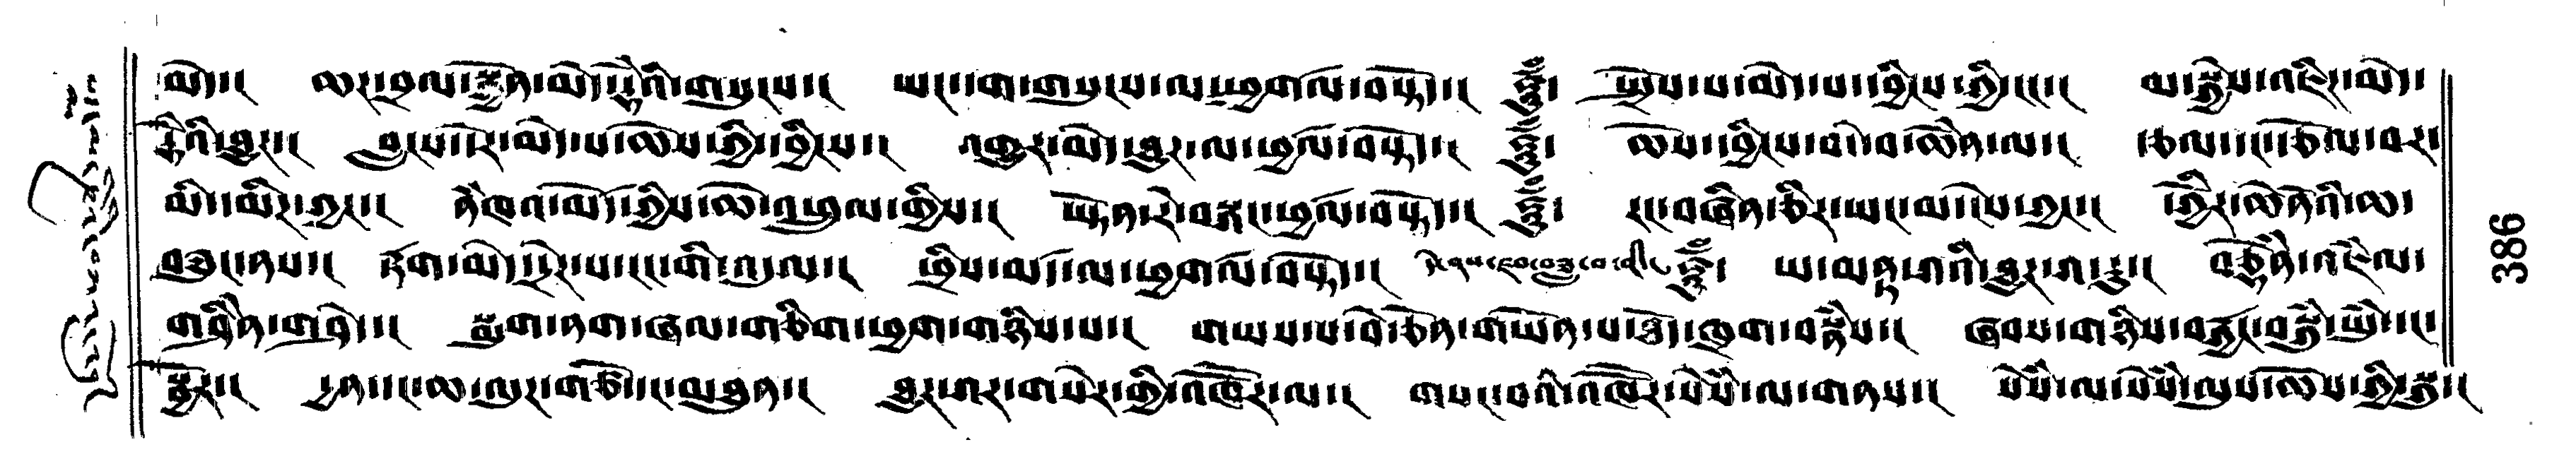མེད། །ཆགས་བྲལ་སྐྱོན་མེད་རྡོ་རྗེའི་གསུང་། །ཡང་དག་གསུང་ལ་ཕྱག་འཚལ་བསྟོད། ཧཱུྃ། སྤྲོས་པ་མེད་པ་དབྱིངས་ཀྱི་ངང་། །མ་སྐྱེས་འཇིགས་མེད་
རྡོ་རྗེའི་ཐུགས། །བླང་དོར་མེད་པ་ཆོས་ཀྱི་དབྱིངས། །འགྱུར་མེད་ཐུགས་ལ་ཕྱག་འཚལ་བསྟོད། ཧཱུྃ། ཆོས་དབྱིངས་བདེ་བ་ཆེན་པོ་ལ། །རྩལ་དང་རྩོལ་བར་
མི་དམིགས་ཀྱང་། །ནམ་མཁའ་མཛོད་ཀྱིས་ཆོ་འཕྲུལ་གྱིས། །ཡོན་ཏན་རེ་བསྐོང་ཕྱག་འཚལ་བསྟོད།ཧཱུྃ། རང་བཞིན་ཅིར་ཡང་མ་ངེས་ཀྱང་། །དཀྱིལ་འཁོར་ཆེན་པོའི་ཆ་
བཟུང་ནས། །རྟོག་མེད་དྲེགས་པ་ངང་གི་འདུལ། །ཕྲིན་ལས་མཛད་ལ་ཕྱག་འཚལ་བསྟོད། དེ་ནས་ཛབ་བཟླ་བ་ནི། ཧཱུྃ། ཡ་མནྟ་ཀའི་ཐུགས་ཀ་རུ། །བཅོམ་ལྡན་འཇམ་དཔལ་
གཤིན་རྗེ་གཤེད། །སྨུག་ནག་ཞལ་གཅིག་ཕྱག་གཉིས་པ། །གཡས་པ་བེ་ཅོན་གཡོན་པ་ཐོད་ཁྲག་བསྣམས། །ཞབས་གཉིས་བརྐྱང་བསྐུམ་ཡུམ་དང་
སྦྱོར། །རྒྱན་དང་ཆ་ལུགས་གཙོ་དང་མཐུན། །ཐུགས་དཀར་གསེར་གྱི་འཁོར་ལོ་ལ། །གསང་བའི་འཁོར་ལོ་སེམས་ལ་གནས། །སེམས་ལ་སེམས་ལུས་ཆོས་ཀྱི་སྐུ།